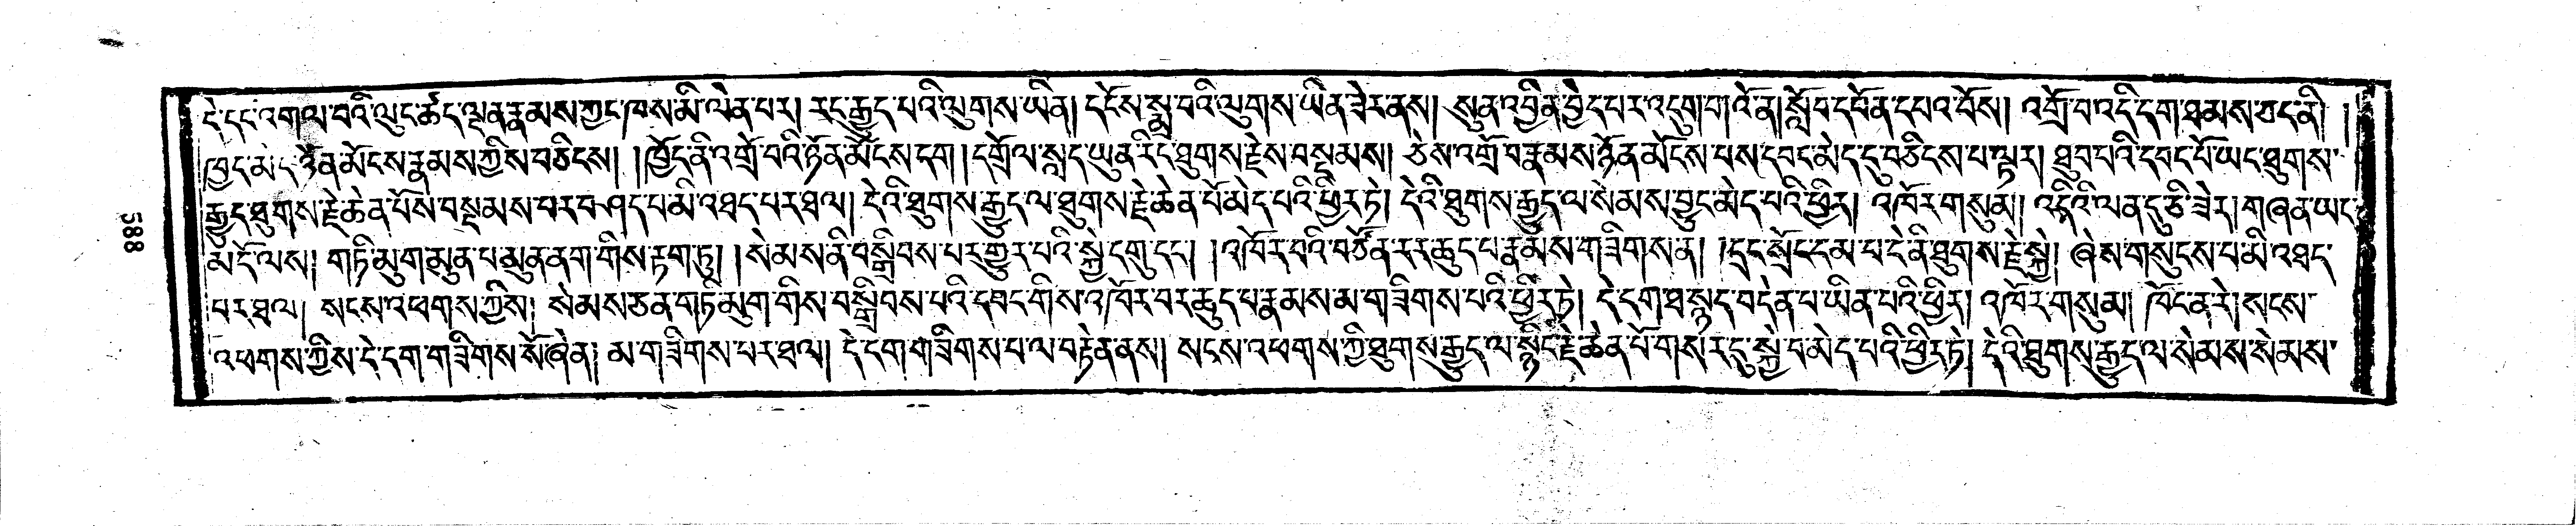དེ་དང་འགལ་བའི་ལུང་ཚད་ལྡན་རྣམས་ཀྱང་ཁས་མི་ལེན་པར། རང་རྒྱུད་པའི་ལུགས་ཡིན། དངོས་སྨྲ་བའི་ལུགས་ཡིན་ཟེར་ནས། སུན་འབྱིན་བྱེད་པར་འདུག་པ། འོ་ན། སློབ་དཔོན་དཔའ་བོས། འགྲོ་བ་འདི་དག་ཐམས་ཅད་ནི། །
ཁྱད་མེད་ཉོན་མོངས་རྣམས་ཀྱིས་བཅིངས། །ཁྱོད་ནི་འགྲོ་བའི་ཉོན་མོངས་དག །དགྲོལ་སླད་ཡུན་རིང་ཐུགས་རྗེས་བསྡམས། ཅེས་འགྲོ་བ་རྣམས་ཉོན་མོངས་པས་དབང་མེད་དུ་བཅིངས་པ་ལྟར། ཐུབ་པའི་དབང་པོ་ཡང་ཐུགས་
རྒྱུད་ཐུགས་རྗེ་ཆེན་པོས་བསྡམས་པར་བཤད་པ་མི་འཐད་པར་ཐལ། དེའི་ཐུགས་རྒྱུད་ལ་ཐུགས་རྗེ་ཆེན་པོ་མེད་པའི་ཕྱིར་ཏེ། དེའི་ཐུགས་རྒྱུད་ལ་སེམས་བྱུང་མེད་པའི་ཕྱིར། འཁོར་གསུམ། འདིའི་ལན་དུ་ཅི་ཟེར། གཞན་ཡང་
མདོ་ལས། གཏི་མུག་མུན་པ་མུན་ནག་གིས་རྟག་ཏུ། །སེམས་ནི་བསྒྲིབས་པར་གྱུར་པའི་སྐྱེ་དགུ་དང་། །འཁོར་བའི་བཙོན་རར་ཆུད་པ་རྣམས་གཟིགས་ན། །དྲང་སྲོང་དམ་པ་དེ་ནི་ཐུགས་རྗེ་སྐྱེ། ཞེས་གསུངས་པ་མི་འཐད་
པར་ཐལ། སངས་འཕགས་ཀྱིས། སེམས་ཅན་གཏི་མུག་གིས་བསྒྲིབས་པའི་དབང་གིས་འཁོར་བར་ཆུད་པ་རྣམས་མ་གཟིགས་པའི་ཕྱིར་ཏེ། དེ་དག་ཐ་སྙད་བདེན་པ་ཡིན་པའི་ཕྱིར། འཁོར་གསུམ། ཁོང་ན་རེ། སངས་
འཕགས་ཀྱིས་དེ་དག་གཟིགས་སོ་ཞེ་ན། མ་གཟིགས་པར་ཐལ། དེ་དག་གཟིགས་པ་ལ་བརྟེན་ནས། སངས་འཕགས་ཀྱི་ཐུག་རྒྱུད་ལ་སྙིང་རྗེ་ཆེན་པོ་གསར་དུ་སྐྱེ་བ་མེད་པའི་ཕྱིར་ཏེ། དེའི་ཐུགས་རྒྱུད་ལ་སེམས་སེམས་